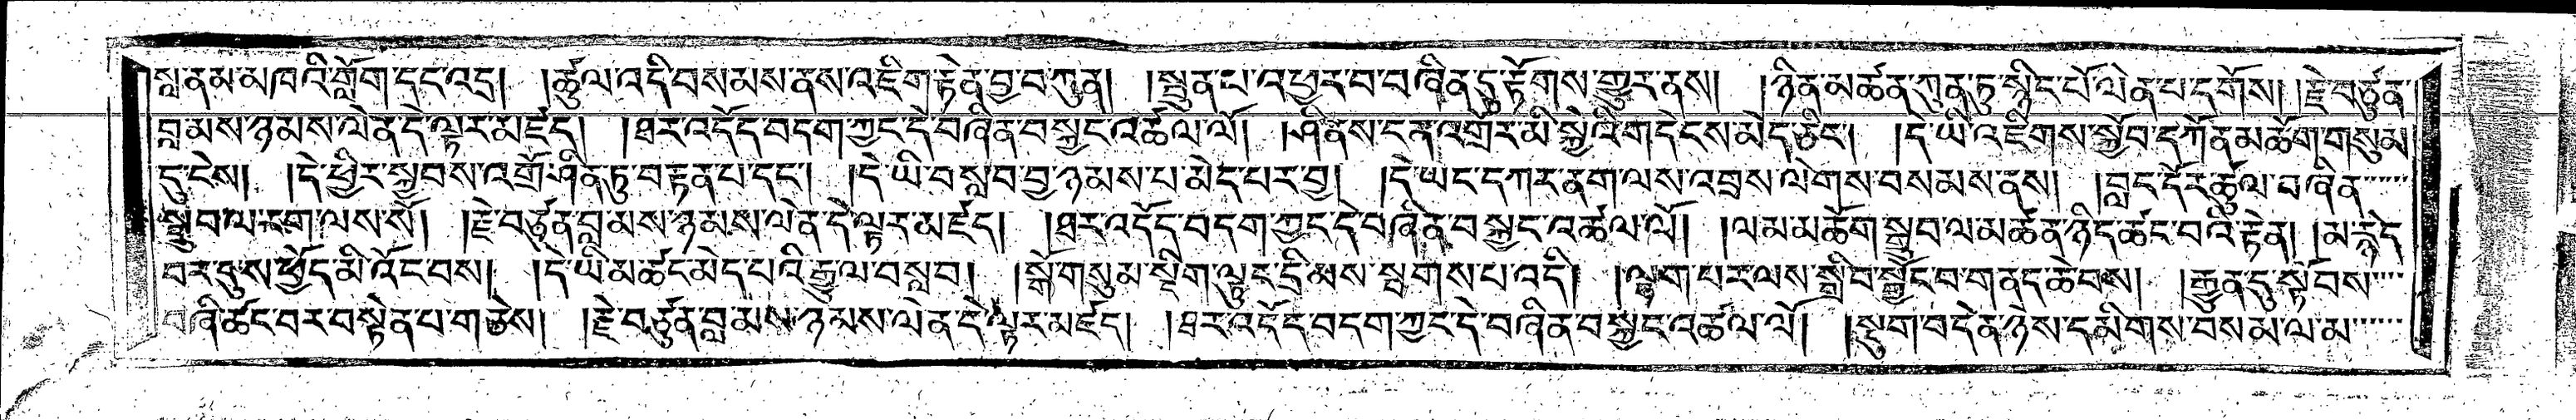སླ་ནམ་མཁའི་གློག་དང་འདྲ། །ཚུལ་འདི་བསམས་ནས་འཇིག་རྟེན་བྱ་བ་ཀུན། །སྦུན་པ་འཕྱར་བ་བཞིན་དུ་རྟོགས་གྱུར་ནས། །ཉིན་མཚན་ཀུན་ཏུ་སྙིང་པོ་ལེན་པ་དགོས། །རྗེ་བཙུན་
བླ་མས་ཉམས་ལེན་དེ་ལྟར་མཛད། །ཐར་འདོད་བདག་ཀྱང་དེ་བཞིན་བསྐྱང་འཚལ་ལོ། །ཤི་ནས་ངན་འགྲོར་མི་སྐྱེའི་གདེངས་མེད་ཅིང་། །དེ་ཡི་འཇིགས་སྐྱོབ་དཀོན་མཆོག་གསུམ་
དུ་ངེས། །དེ་ཕྱིར་སྐྱབས་འགྲོ་ཤིན་ཏུ་བརྟན་པ་དང་། །དེ་ཡི་བསླབ་བྱ་ཉམས་པ་མེད་པར་བྱ། །དེ་ཡང་དཀར་ནག་ལས་འབྲས་ལེགས་བསམས་ནས། །བླང་དོར་ཚུལ་བཞིན་
སྒྲུབ་ལ་རག་ལས་སོ། །རྗེ་བཙུན་བླ་མས་ཉམས་ལེན་དེ་ལྟར་མཛད། །ཐར་འདོད་བདག་ཀྱང་དེ་བཞིན་བསྐྱང་འཚལ་ལོ། །ལམ་མཆོག་སྒྲུབ་ལ་མཚན་ཉིད་ཚང་བའི་རྟེན། །མ་རྙེད་
བར་དུ་ས་ཕྱོད་མི་འོང་བས། །དེ་ཡི་མ་ཚང་མེད་པའི་རྒྱུ་ལ་བསླབ། །སྒོ་གསུམ་སྡིག་ལྟུང་དྲི་མས་སྤགས་པ་འདི། །ལྷག་པར་ལས་སྒྲིབ་སྦྱོང་བ་གནད་ཆེ་བས། །རྒྱུན་དུ་སྟོབས་
བཞི་ཚང་བར་བསྟེན་པ་གཅེས། །རྗེ་བཙུན་བླ་མས་ཉམས་ལེན་དེ་ལྟར་མཛད། །ཐར་འདོད་བདག་ཀྱང་དེ་བཞིན་བསྐྱང་འཚལ་ལོ། །སྡུག་བདེན་ཉེས་དམིགས་བསམ་ལ་མ་